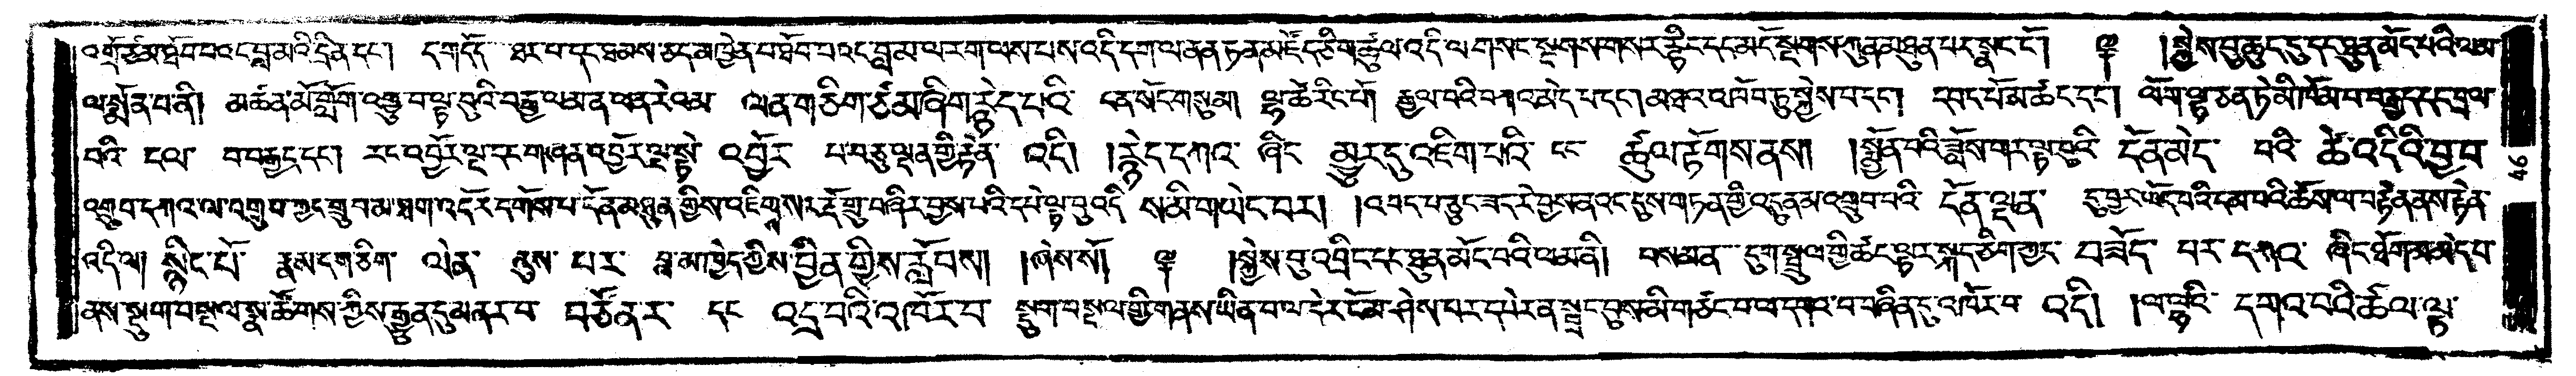འགྲོ་ཙམ་ཐོབ་པའང་བླ་མའི་དྲིན་དང་། དག་དོད་ཐར་པ་དང་ཐམས་ཅད་མཁྱེན་པ་ཐོབ་པའང་བླ་མ་ལག་གཡས་པས་འདི་དག་ལ་ནན་ཏན་མཛོད་ཅིག་ཚུལ་འདི་ལ་གསང་སྔགས་གསར་རྙིང་དང་མདོ་སྔགས་ཀུན་མཐུན་པར་སྣང་ངོ། ༈ །སྐྱེས་བུ་ཆུང་ངུ་དང་ཐུན་མོང་པའི་ལམ་
ལ་སྨོན་པ་ནི། མཚན་མོ་གློག་འགྱུ་པ་ལྟ་བུའི་བརྒྱ་ལམ་ན་ཕན་རེའམ་ལན་གཅིག་ཙམ་ཞིག་རྙེད་པའི་ངན་སོང་གསུམ། ལྷ་ཚེ་རིང་པོ། རྒྱལ་བའི་བཀའ་མེད་པ་དང་། མཐའ་འཁོབ་ཏུ་སྐྱེས་པ་དང་། དབང་པོ་མ་ཚང་དང་། ལོག་ལྟ་ཅན་ཏེ་མི་ཁོམ་པ་བརྒྱད་དང་བྲལ་
བའི་ངལ་པ་བརྒྱད་དང་། རང་འབྱོར་ལྔ་དང་གཞན་འབྱོར་ལྔ་སྟེ་འབྱོར་པ་བཅུ་ལྡན་གྱི་རྟེན་འདི། །རྙེད་དཀའ་ཞིང་མྱུར་དུ་འཇིག་པའི་དང་ཚུལ་རྟོགས་ནས། །སྨྱོན་པའི་ཟློས་གར་ལྟ་བུའི་དོན་མེད་པའི་ཚེ་འདིའི་བྱ་བ་
འགྲུབ་དཀའ་ལ་འགྲུབ་ཀྱང་གྲུབ་མ་ཐག་འདོར་དགོས་པ་དོན་མཐུན་གྱིས་འཇིགས་སར་རྡོ་གྲུ་བཞིར་བྱས་པའི་དཔེ་ལྟ་བུ་འདིས་མི་གཡེང་བར། །འབད་པ་ཅུང་ཟད་རེ་བྱས་ནའང་དུས་གཏན་གྱི་འདུན་མ་འགྲུབ་པའི་དོན་ལྡན་དུ་བྱར་ཡོད་པའི་དམ་པའི་ཆོས་ལ་བརྟེན་ནས་རྟེན་
འདི་ལ། སྙིང་པོ་རྣམ་དག་ཅིག་ལེན་ནུས་པར་བླ་མ་ཁྱེད་ཀྱིས་བྱིན་གྱིས་རློབས། །ཞེས་སོ། ༈ །སྐྱེས་བུ་འབྲིང་དང་ཐུན་མོང་བའི་ལམ་ནི། བསམ་ན་དུག་སྦྲུལ་གྱི་ཚང་ལྟར་སྐད་ཅིག་ཀྱང་བཟོད་པར་དཀའ་ཞིང་ཐོག་མ་མེད་པ་
ནས་སྡུག་བསྔལ་སྣ་ཚོགས་ཀྱིས་རྒྱུན་དུ་མནར་བ་བཙོན་ར་དང་འདྲ་བའི་འཁོར་བ་སྡུག་བསྔལ་གྱི་གནས་ཡིན་པ་ལ་དེར་ངོ་མ་ཤེས་པར་དཔེར་ན་སྦྲང་བུས་མི་གཙང་པ་ལ་དགའ་བ་བཞིན་དུ་འཁོར་བ་འདི། །ལ་ལྷའི་དགའ་བའི་ཚལ་ལྟ་